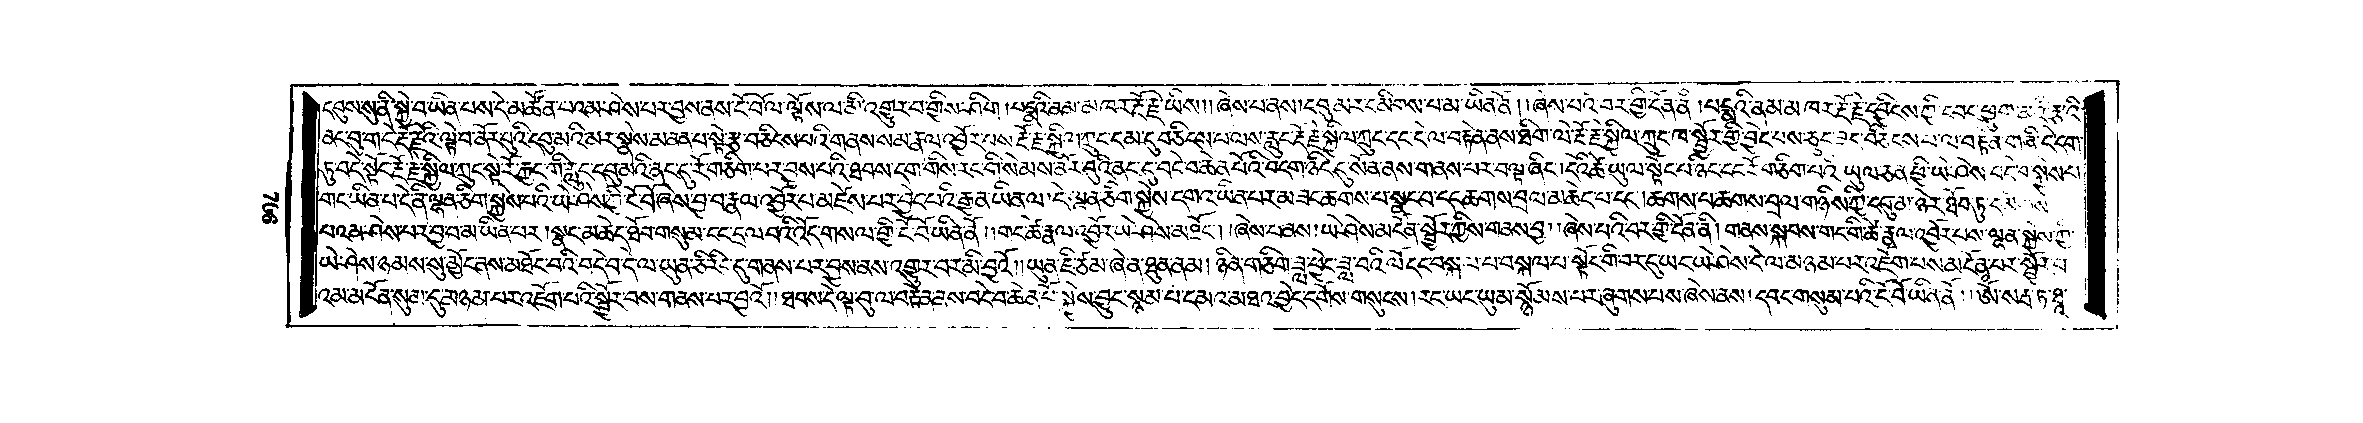དབུས་སུ་སྐྱེ་བ་ཡིན་པས་དེ་མཚོན་པའམ་ཤེས་པར་བྱས་ནས་ངོ་བོ་ལ་ལྟོས་ལ་མི་འགྱུར་བ་གྱིས་ཤིག །པདམའི་ནམ་མཁར་རྡོ་རྗེ་ཡིས། །ཞེས་པ་ནས། དབུ་མར་དམིགས་པ་མ་ཡིན་ནོ། །ཞེས་པའི་བར་གྱི་དོན་ནི། པདམའི་ནམ་མཁར་རྡོ་རྗེ་དབྱིངས་ཀྱི་དབང་ཕྱུག་མའི་རྩའི་
ནང་བུ་ག་དེ་རྡོ་རྗེའི་ལྟེ་བ་ནོར་བུའི་དབུ་མའི་མར་སྣེས་མནན་པ་སྟེ་རྩ་བཅིངས་པའི་གནས་སམ་རྣལ་འབྱོར་པས་རྡོ་རྗེ་སྐྱིལ་ཀྲུང་དམ་དུ་བཅིངས་པ་ལས་རླུང་རྡོ་རྗེ་སྐྱིལ་ཀྲུང་དང་དེ་ལ་བརྟེན་ནས་ཐིག་ལེ་རྡོ་རྗེ་སྐྱིལ་ཀྲུང་ཁ་སྦྱོར་གྱི་བྱེད་པས་ཅུང་ཟད་བཅིངས་པ་ལ་བརྟེན་གཞི་དེ་དག་
ཏུ་བདེ་སྟོང་རྡོ་རྗེ་སྐྱིལ་ཀྲུང་སྟེ་རོ་རྐྱང་གི་རླུང་དབུ་མའི་ནང་དུ་རོ་གཅིག་པར་བྱས་པའི་ཐབས་དག་གིས་རང་གི་སེམས་ནོར་བུའི་ནང་དུ་བདེ་བ་ཆེན་པོའི་བདག་ཉིད་དུ་སོན་ནས་གནས་པར་བལྟ་ཞིང་། དེའི་ཚེ་ཡུལ་སྟོང་པ་ཉིད་དང་རོ་གཅིག་པའི་ཡུལ་ཅན་ཕྱི་ཡེ་ཤེས་བདེ་བ་སྐྱེས་པ་
གང་ཡིན་པ་དེ་ནི་ལྷན་ཅིག་སྐྱེས་པའི་ཡེ་ཤེས་ཀྱི་ངོ་བོ་ཞེས་བྱ་བ་རྣལ་འབྱོར་པ་མཛེས་པར་བྱེད་པའི་རྒྱན་ཡིན་ལ། དེ་ལྷན་ཅིག་སྐྱེས་དགའ་ཡིན་པར་མ་ཟད་ཆགས་པ་སྣང་བ་དང་ཆགས་བྲལ་མཆེད་པ་དང་། ཆགས་པ་ཆགས་བྲལ་གཉིས་ཀྱི་དབུ་མ་ཉེར་ཐོབ་ཏུ་དམིགས་
པའམ་ཤེས་པར་བྱ་བ་མ་ཡིན་པར། སྣང་མཆེད་ཐོབ་གསུམ་དང་དྲལ་བའི་འོད་གསལ་གྱི་ངོ་བོ་ཡིན་ནོ། །གང་ཚེ་རྣལ་འབྱོར་ཡེ་ཤེས་མཐོང་། །ཞེས་པ་ནས། ཡེ་ཤེས་མངོན་སྦྱོར་ཀྱིས་གནས་བྱ། །ཞེས་པའི་བར་གྱི་དོན་ནི། གནས་སྐབས་གང་གི་ཚེ་རྣལ་འབྱོར་པས་ལྷན་སྐྱེས་ཀྱི་
ཡེ་ཤེས་ཉམས་སུ་མྱོང་ནས་མཐོང་བའི་བདེ་བ་དེ་ལ་ཡུན་ཅི་རིང་དུ་གནས་པར་བྱས་ནས་འགྱུར་བར་མི་བྱའོ། །ཡུན་ཇི་ཙམ་ཞེ་ན་ཐུན་ནམ། ཉིན་གཅིག་ཟླ་ཕྱེད་བའི་ལོ་དང་བསྐལ་པ་བསྐལ་པ་སྟོང་གི་བར་དུ་ཡང་ཡེ་ཤེས་དེ་ལ་མཉམ་པར་འཇོག་པས་མངོན་པར་སྦྱོར་བ་
འམ་མངོན་སུམ་དུ་མཉམ་པར་འཇོག་པའི་སྦྱོར་བས་གནས་པར་བྱའོ། །ཐབས་དེ་ལྟ་བུ་ལ་བརྟེན་ནས་བདེ་བ་ཆེན་པོ་སྐྱེས་བྱུང་སྙམ་པ་དམའ་མཐའ་བྱེད་དགོས་གསུངས། རང་ཡང་ཡུམ་སྙོམས་པར་ཞུགས་པས་ཞེས་ནས། དབང་གསུམ་པའི་ངོ་བོ་ཡིན་ནོ། །ཨོཾ་སརྦ་ཏ་ཐཱ་